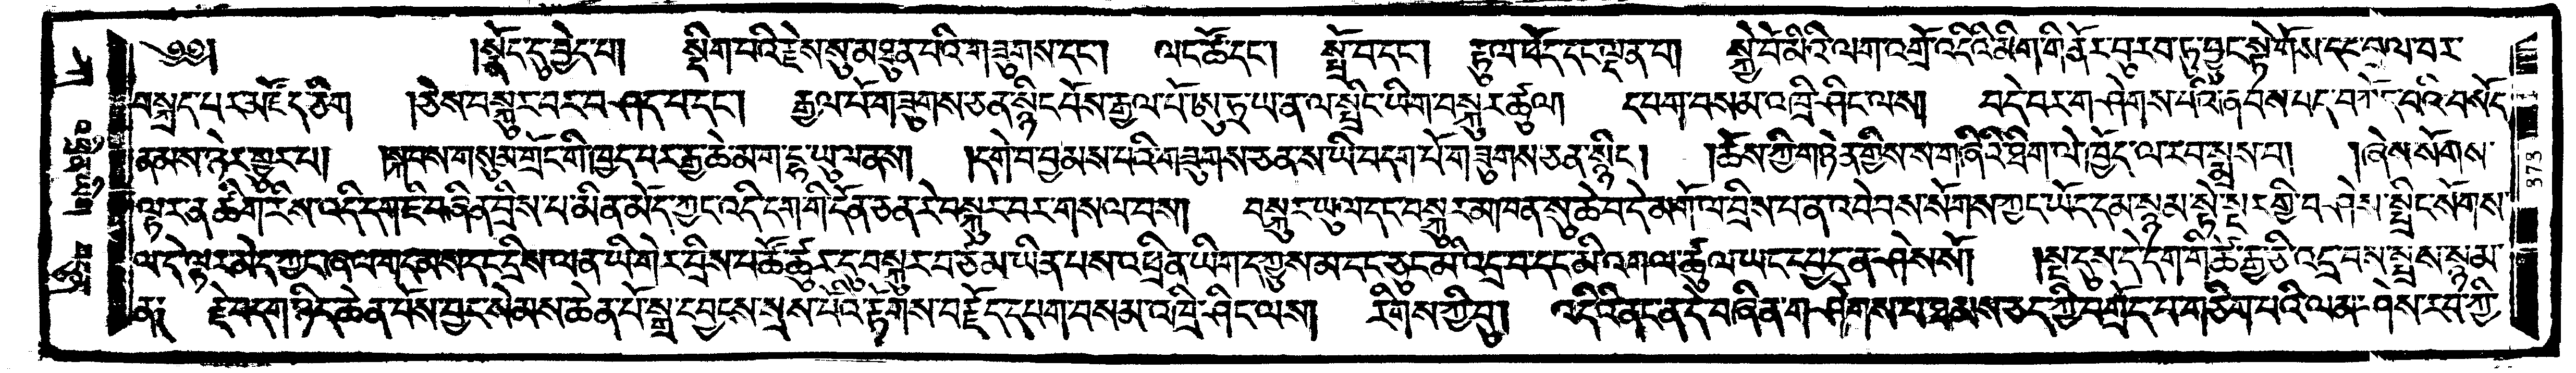༄༅། །སྣོད་དུ་བྱེད་པ། སྡིག་པའི་རྗེས་སུ་མཐུན་པའི་གཟུགས་དང་། ལང་ཚོ་དང་། སྤྲོ་བ་དང་། རྟུལ་ཕོད་དང་ལྡན་པ། སྐྱེ་བོ་མིའི་ལག་འགྲོ་འདིའི་མིག་གི་ནོར་བུ་རབ་ཏུ་བྱུང་སྟེ་གོས་དང་བྲལ་བར་
བསྐྲད་པར་མཛོད་ཅིག །ཅེས་བསྐུར་བར་བཤད་པ་དང་། རྒྱལ་པོ་གཟུགས་ཅན་སྙིང་པོས་རྒྱལ་པོ་ཨུ་ཏྲ་ཡ་ན་ལ་སྤྲིང་ཡིག་བསྐུར་ཚུལ། །དཔག་བསམ་འཁྲི་ཤིང་ལས། བདེ་བར་གཤེགས་པའི་ནབས་པད་དཀོད་པའི་བསོད་
ནམས་ཉེས་གྱུར་པ། །སྐབས་གསུམ་གྲོང་གི་ཁྱད་པར་རྒྱ་ཆེ་མ་ག་དྷ་ཡུལ་ནས། །དགེ་བ་བྱམས་པའི་གཟུགས་ཅན་ས་ཡི་བདག་པོ་གཟུགས་ཅན་སྙིང་། །ཆོས་ཀྱི་གཉེན་གྱིས་ས་གཞིའི་ཐིག་ལེ་ཁྱོད་ལ་རབ་སྨྲས་པ། །ཞེས་སོགས་
ལྟར་ན་ཚིག་རིས་དཱི་དག་ཇི་བཞིན་བྲིས་པ་མིན་མོད་ཀྱང་འདི་དག་གི་དོན་ཅན་རེ་བསྐུར་བར་གསལ་བས། བསྐུར་ཡུལ་དང་བསྐུར་མཁན་སུ་ཆེ་བདེ་མགོ་ལ་བྲིས་པ་ན་འབེབས་སོགས་ཀྱང་ཡོད་དམ་སྙམ་སྟེ་སྔར་གྱི་བཤེས་སྤྲིང་སོགས་
ལ་དེ་ལྟར་མེད་ཀྱང་ཞལ་གདམས་དང་དྲིས་ལན་ཡི་གེ་འབྲིས་པ་ཚོ་ཚུར་དུ་བསྐུར་བ་ཙམ་ཡིན་པས་འཕྲིན་ཡིག་དཀྱུས་མ་དང་ཅུང་མི་འདྲ་བ་དང་མི་འགལ་ཚུལ་ཡང་དབྱད་ན་ཤེས་སོ། །སྔ་དུས་དེ་དག་གི་ཚེ་རྒྱ་ཅི་འདྲ་བས་སྤྲས་སྙམ་
ན། རྗེ་བདག་ཉིད་ཆེན་པོས་བྱང་སེམས་ཆེན་པོ་སྒྲ་དབྱངས་སྲས་པོའི་རྟོགས་བརྗོད་དཔག་བསམ་འཁྲི་ཤིང་ལས། རིགས་ཀྱི་བུ། འདིའི་ནང་ན་དེ་བཞིན་གཤེགས་པ་ཐམས་ཅད་ཀྱི་བགྲོད་བ་གཅིག་པའི་ལམ་ཤེས་རབ་ཀྱི་